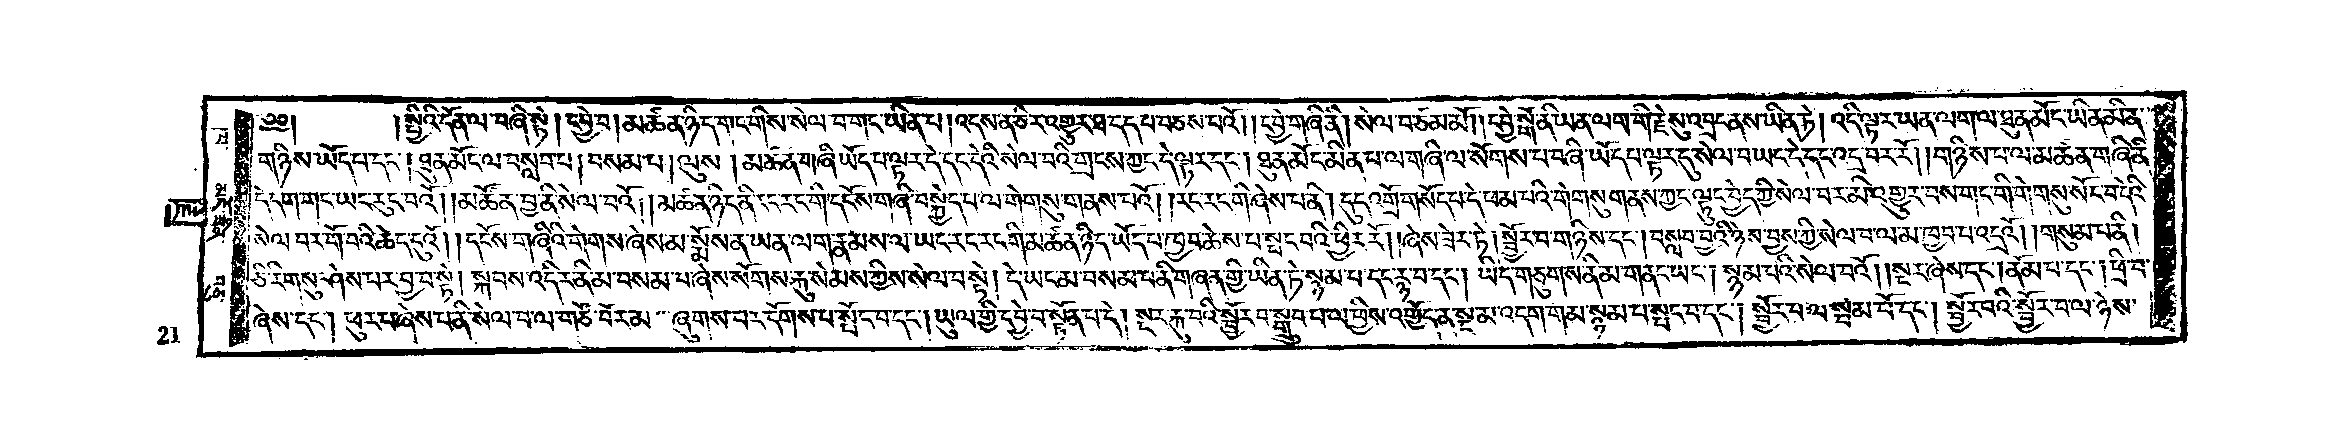༄༅། །སྤྱིའི་དོན་ལ་བཞི་སྟེ། དབྱེ་བ། མཚན་ཉིད་གང་གིས་སེལ་བ་གང་ཡིན་པ། འདས་ན་ཅིར་འགྱུར་ཐ་དད་པ་བཅས་པའོ། །དབྱེ་གཞི་ནི། སེལ་བ་ཙམ་མོ། །དབྱེ་སྒོ་ནི་ཡན་ལག་གི་རྗེས་སུ་འབྲང་ནས་ཡིན་ཏེ། འདི་ལྟར་ཡན་ལག་ལ་ཐུན་མོང་ཡིན་མིན་
གཉིས་ཡོད་པ་དང་། ཐུན་མོང་ལ་བསླབ་པ། བསམ་པ། ལུས། མཚན་གཞི་ཡོད་པ་ལྟར་དེ་དང་དེའི་སེལ་བའི་གྲངས་ཀྱང་དེ་ལྟར་དང་། ཐུན་མོང་མིན་པ་ལ་གཞི་ལ་སོགས་པ་བཞི་ཡོད་པ་ལྟར་དུ་སེལ་བ་ཡང་དེ་དང་འདྲ་བར་རོ། །གཉིས་པ་ལ་མཚན་གཞི་ནི་
དེ་དག་གང་ཡང་རུང་བའོ། །མཚོན་བྱ་ནི་སེལ་བའོ། །མཚན་ཉིད་ནི་རང་རང་གི་དངོས་གཞི་བསྐྱེད་པ་ལ་གེགས་སུ་གནས་པའོ། །རང་རང་གི་ཞེས་པ་ནི། དུད་འགྲོ་གསོད་པ་དེ་ཕམ་པའི་གེགས་སུ་གནས་ཀྱང་ལྟུང་བྱེད་ཀྱི་སེལ་བར་མི་འགྱུར་བས་གང་གི་གེགས་སུ་སོང་བ་དེའི་
སེལ་བར་གོ་བའི་ཆེད་དུའོ། །དངོས་གཞིའི་གེགས་ཞེས་མ་སྨོས་ན་ཡན་ལག་རྣམས་ལ་ཡང་རང་རང་གི་མཚན་ཉིད་ཡོད་པ་ཁྱབ་ཆེས་པ་སྤང་བའི་ཕྱིར་རོ། །ཞེས་ཟེར་ཏེ། སྦྱོར་བ་གཉིས་དང་། བསླབ་བྱའི་ཉེས་བྱས་ཀྱི་སེལ་བ་ལ་མ་ཁྱབ་པ་འདྲའོ། །གསུམ་པ་ནི།
ཅི་རིགས་སུ་ཤེས་པར་བྱ་བ་སྟེ། སྐབས་འདིར་ནི་མ་བསམ་པ་ཞེས་སོགས་རྐུ་སེམས་ཀྱིས་སེལ་བ་སྟེ། དེ་ཡང་མ་བསམ་པ་ནི་གཞན་གྱི་ཡིན་ཏེ་སྙམ་པ་དང་རྙ་བ་དང་། ཡིད་གཅུགས་ནི་མ་གནང་ཡང་། སྙམ་པའི་སེལ་བའོ། །སྔར་ཞེས་དང་། ནོམ་པ་དང་། ཕྲི་བ་
ཞེས་དང་། ཕུར་བ་ཞེས་པ་ནི་སེལ་བ་གཙོ་བོར་མ་ཞུགས་པར་དོགས་པ་སྤོང་བ་དང་། ཡུལ་གྱི་དབྱེ་བ་སྟོན་པ་དེ། སྔར་རྐུ་བའི་སྦྱོར་བ་སྒྲུབ་པ་ལ་ཕྱིས་འགྱོད་ན་སྔ་མ་འདག་གམ་སྙམ་པ་སྤང་བ་དང་། སྦྱོར་བ་ལ་སྦོམ་པོ་དང་། སྦྱོར་བའི་སྦྱོར་བ་ལ་ཉེས་